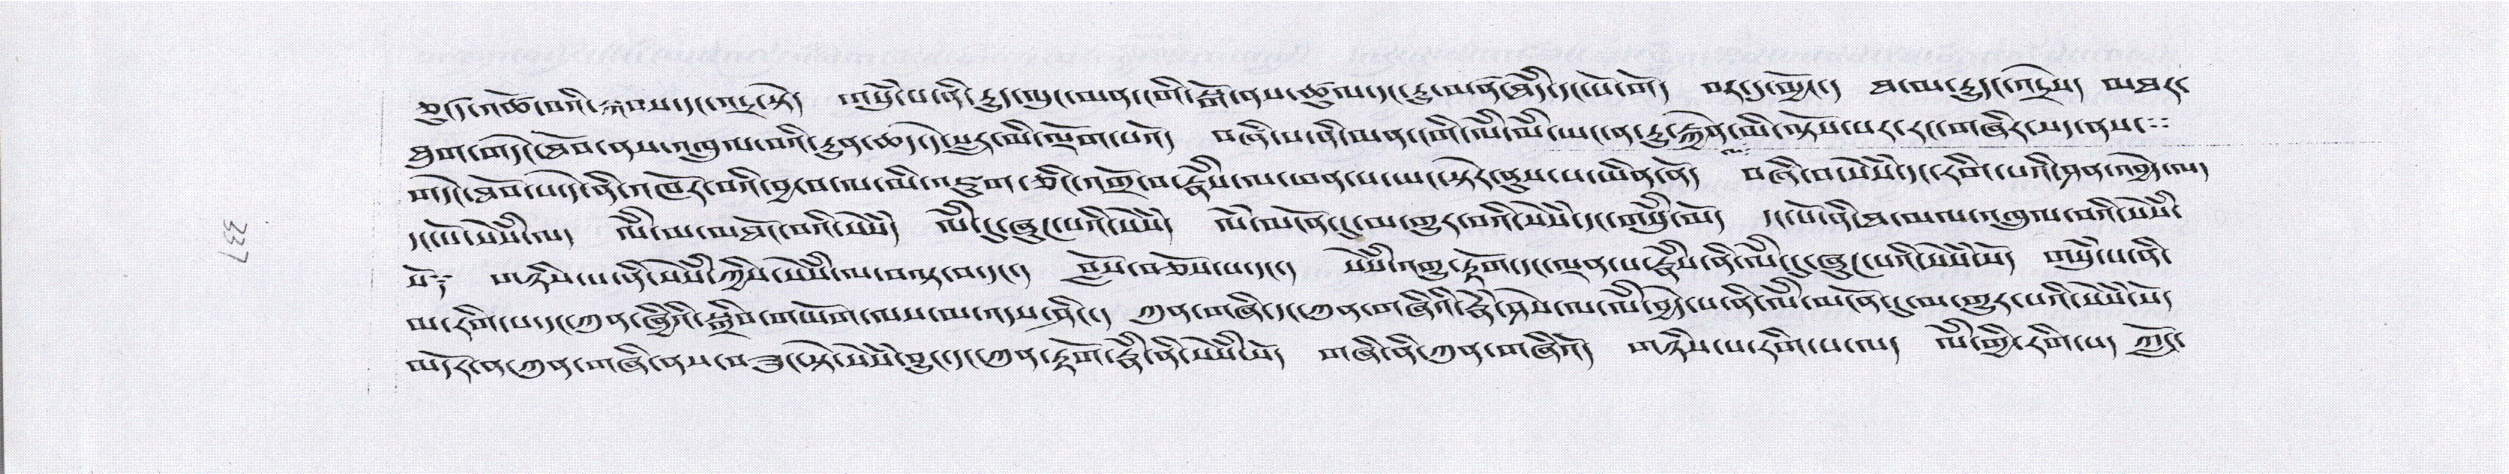ཅུང་ཟད་འཚོ་བའི་སྐབས་དང་འདྲ་སྟེ། གསུམ་པ་ནི་རྒྱུད་ལུང་མན་ངག་གི་སྒོ་ནས་ཚུལ་དང་རྒྱུ་མཚན་ཐམས་ཅད་དང་པོ་གོ། བར་དུ་མྱོང། ཐ་མ་རྒྱུད་དང་འདྲེས། མཐར་
ཐུག་གདེང་ཐོབ་ནས་འཁྲུལ་བའི་རྒྱུན་ཆད་དེ་སླར་མི་ལྡོག་པའོ། བཞི་པ་ནི་མན་ངག་གི་ལམ་མམ་ཡང་ན་རྒྱུ་རྐྱེན་ལ་མི་ལྟོས་པར་རང་གཞིར་སད་ནས་
གདེང་ཐོབ་པ་དེ་ནི་འཁོར་བའི་བྱ་བ་ལ་མི་འཇུག་ཅིང་འགྲོ་བ་རྣམས་ལ་ཕན་པ་ཡང་སྟེར་ནུས་པ་ཡིན་ནོ། བཞི་པ་སེམས་དང་རིག་པའི་ཤན་འབྱེད་ལ། 
དང་པོ་སེམས་ལ། ལམ་མ་མཐོང་བའི་སེམས། ལམ་དུ་ཞུགས་པའི་སེམས། ལམ་མངོན་དུ་མ་གྱུར་བའི་སེམས་དང་གསུམ་མོ། དང་པོ་ནི་ཐ་མལ་འཁྲུལ་བའི་སེམས་
སོ། གཉིས་པ་ནི་སེམས་ཀྱིས་སེམས་ལ་བལྟ་བ་དང། བློས་བཅོས་པ་དང། སེམས་འགྱུ་རྟོག་དང་ལྡན་པ་རྣམས་ནི་ལམ་དུ་ཞུགས་པའི་སེམས་སོ། གསུམ་པ་ནི། 
མ་རིག་པ་དང་ཀུན་གཞིའི་སྒྲིབ་གཡོག་ལས་མ་འདས་ཤིང། ཀུན་གཞི་དང་ཀུན་གཞིའི་རྣམ་ཤེས་ལ་ལམ་བྱེད་པ་ནི་ལམ་མངོན་དུ་མ་གྱུར་པའི་སེམས་སོ། 
མདོར་ན་ཀུན་གཞི་ནས་བཟུང་སྟེ་སེམས་བྱུང་དང་ཀུན་རྟོག་རྣམས་ནི་སེམས་སོ། གཞི་ནི་ཀུན་གཞིའོ། གཉིས་པ་རིག་པ་ལ། ལམ་གྱི་རིག་པ། ཀློང་